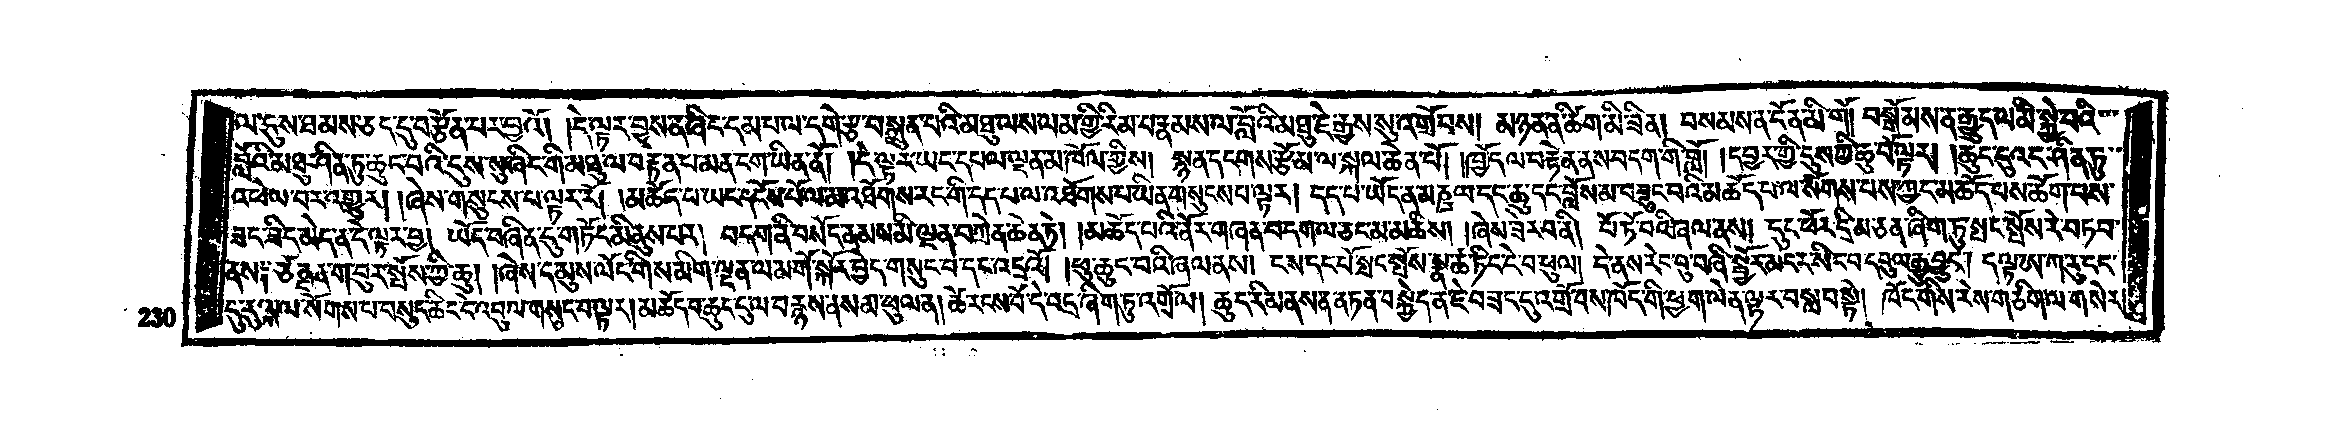ལ་དུས་ཐམས་ཅད་དུ་བརྩོན་པར་བྱའོ། །དེ་ལྟར་བྱས་ན་ཞིང་དམ་པ་ལ་དགེ་རྩ་བསྐྲུན་པའི་མཐུ་ལས་ལམ་གྱི་རིམ་པ་རྣམས་ལ་བློའི་མཐུ་ཇེ་རྒྱས་སུ་འགྲོ་བས། མཉན་ན་ཚིག་མི་ཟིན། བསམས་ན་དོན་མི་གོ། བསྒོམས་ན་རྒྱུད་ལ་མི་སྐྱེ་བའི་
བློའི་མཐུ་ཤིན་ཏུ་ཆུང་བའི་དུས་སུ་ཞིང་གི་མཐུ་ལ་བརྟེན་པ་མན་ངག་ཡིན་ནོ། །དེ་ལྟར་ཡང་དཔལ་ལྡན་མ་ཁོལ་གྱིས། སྙན་དངགས་རྩོམ་ལ་སྐལ་ཆེན་པོ། །ཁྱོད་ལ་བརྟེན་ནས་བདག་གི་བློ། །དབྱར་གྱི་དུས་ཀྱི་ཆུ་བོ་ལྟར། །ཆུང་ངུའང་ཤིན་ཏུ་
འཕེལ་བར་འགྱུར། །ཞེས་གསུངས་པ་ལྟར་རོ། །མཆོད་པ་ཡང་དངོས་པོ་ལ་མ་འཐོགས་རང་གི་དད་པ་ལ་འཐོགས་པ་ཡིན་གསུངས་པ་ལྟར། དད་པ་ཡོད་ན་མཎྜལ་དང་ཆུ་དང་བློས་མ་བཟུང་བའི་མཆོད་པ་ལ་སོགས་པས་ཀྱང་མཆོད་པས་ཆོག་པས་
ཟང་ཟིང་མེད་ན་དེ་ལྟར་བྱ། ཡོད་བཞིན་དུ་གཏོང་མི་ནུས་པར། བདག་ནི་བསོད་ནམས་མི་ལྡན་བཀྲེན་ཆེན་ཏེ། །མཆོད་པའི་ནོར་གཞན་བདག་ལ་ཅང་མ་མཆིས། །ཞེས་ཟེར་བ་ནི། པོ་ཏོ་བའི་ཞལ་ནས། དུད་ཕོར་དྲི་མ་ཅན་ཞིག་ཏུ་སྤང་སྤོས་རེ་བཏབ་
ནས༑ ཙནྡན་ག་བུར་སྤོས་ཀྱི་ཆུ། །ཞེས་དམུས་ལོང་གིས་མིག་ལྡན་ལ་མགོ་སྐོར་བྱེད་གསུང་བ་དང་འདྲའོ། །ཕུ་ཆུང་བའི་ཞལ་ནས། ངས་དང་པོ་སྤང་སྤོས་སྣ་ཚ་ཏིང་ངེ་བ་ཕུལ། དེ་ནས་རེང་བུ་བཞི་སྦྱོར་མངར་སིང་བ་དབུལ་རྒྱུ་བྱུང་། ད་ལྟ་ཨ་ཀ་རུ་དང་
དུ་རུལྐལ་སོགས་པ་བསུང་ཆིང་དེ་འབུལ་གསུང་བ་ལྟར། མཆོད་པ་ཆུང་ངུ་ལ་བརྙས་ནས་མ་ཕུལ་ན། ཚེ་རངས་པོ་དེ་འདྲ་ཞིག་ཏུ་འགྲོ་ལ། ཆུང་རིམ་ནས་ནན་ཏན་བསྐྱེད་ན་ཇེ་བཟང་དུ་འགྲོ་བས་ཁོང་གི་ཕྱག་ལེན་ལྟར་བསླབ་སྟེ། ཁོང་གིས་རེས་གཅིག་ལ་གསེར་